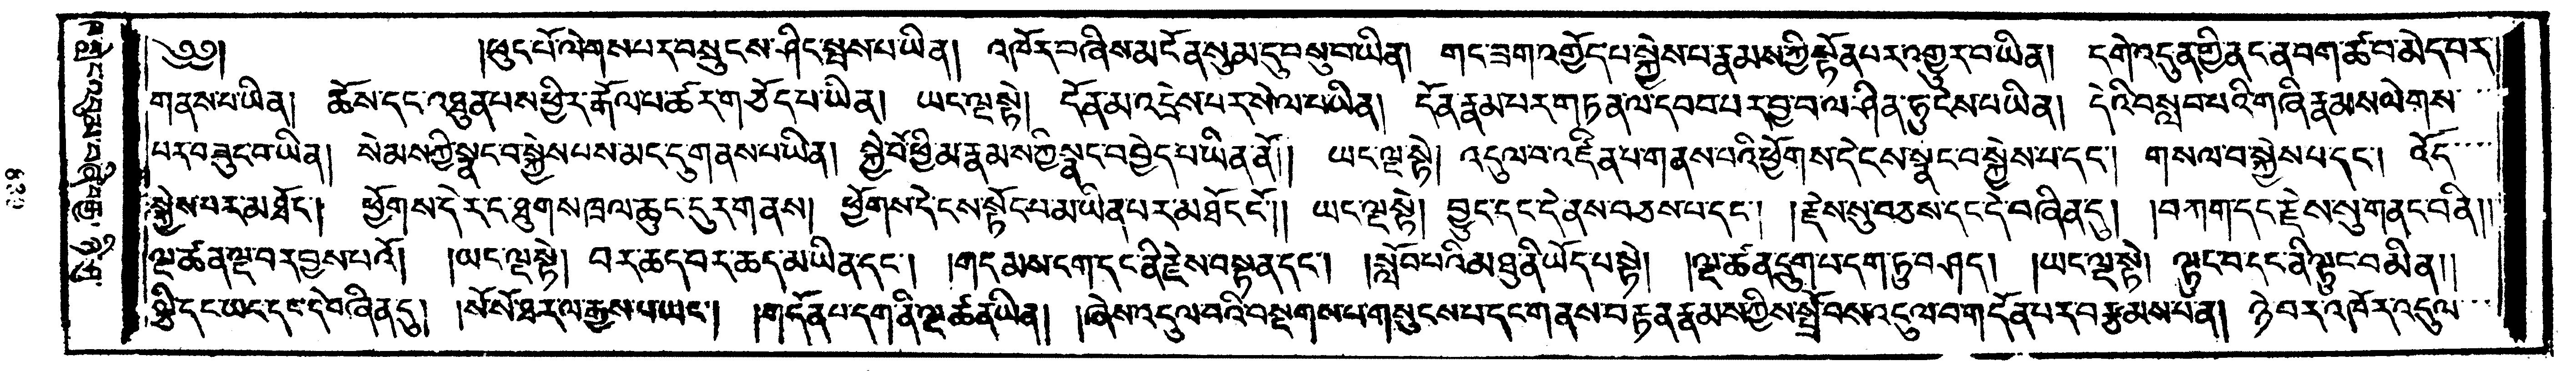༄༅། །ཕུང་པོ་ལེགས་པར་བསྲུངས་ཤིང་སྤས་པ་ཡིན། འཁོར་བཞིས་མངོན་སུམ་དུ་བསུ་བ་ཡིན། གང་ཟག་འགྱོད་པ་སྐྱེས་པ་རྣམས་ཀྱི་སྟོན་པར་འགྱུར་བ་ཡིན། དགེ་འདུན་གྱི་ནང་ན་བག་ཚ་བ་མེད་པར་
གནས་པ་ཡིན། ཆོས་དང་འཐུན་པས་ཕྱིར་རྒོལ་པ་ཚར་གཅོད་པ་ཡིན། ཡང་ལྔ་སྟེ། དོན་མ་འདྲེས་པར་སེལ་པ་ཡིན། དོན་རྣམ་པར་གཏན་ལ་དབབ་པར་བྱ་བ་ལ་ཤིན་ཏུ་ངེས་པ་ཡིན། དེའི་བསླབ་པའི་གཞི་རྣམས་ལེགས་
པར་བཟུང་བ་ཡིན། སེམས་ཀྱི་སྣང་བ་སྐྱེས་པས་མང་དུ་གནས་པ་ཡིན། སྐྱེ་བོ་ཕྱི་མ་རྣམས་ཀྱི་སྣང་བ་བྱེད་པ་ཡིན་ནོ།། ཡང་ལྔ་སྟེ། འདུལ་བ་འཛིན་པ་གནས་པའི་ཕྱོགས་དེ་ངས་སྣང་བ་སྐྱེས་པ་དང་། གསལ་བ་སྐྱེས་པ་དང་། འོད་
སྐྱེས་པར་མཐོང་། ཕྱོགས་དེར་ང་ཐུགས་ཁྲལ་ཆུང་དུར་གནས། ཕྱོགས་དེ་ངས་སྟོང་པ་མ་ཡིན་པར་མཐོང་ངོ།། ཡང་ལྔ་སྟེ། བྱུང་དང་དེ་ནས་བཅས་པ་དང་། །རྗེས་སུ་བཅས་དང་དེ་བཞིན་དུ། །བཀག་དང་རྗེས་སུ་གནང་བ་ནི།།
ལྔ་ཚན་ལྔ་བར་བྱས་པའོ། །ཡང་ལྔ་སྟེ། བར་ཆད་བར་ཆད་མ་ཡིན་དང་། །གདམས་ངག་དང་ནི་རྗེས་བསྟན་དང་། །སློབ་པའི་མཐུ་ནི་ཡོད་པ་སྟེ། །ལྔ་ཚན་དྲུག་པ་དག་ཏུ་བཤད། །ཡང་ལྔ་སྟེ། ལྟུང་བ་དང་ནི་ལྟུང་བ་མིན།།
ལྕི་དང་ཡང་དང་དེ་བཞིན་དུ། །སོ་སོ་ཐར་ལ་རྒྱས་པ་ཡང་། །གདོན་པ་དག་ནི་ལྔ་ཚན་ཡིན། །ཞེས་འདུལ་བའི་བསྔགས་པ་གསུངས་པ་དང་གནས་བརྟན་རྣམས་ཀྱིས་སྤྲོ་བས་འདུལ་བ་གདོན་པར་བརྩམས་པ་ན། ཉེ་བར་འཁོར་འདུལ་